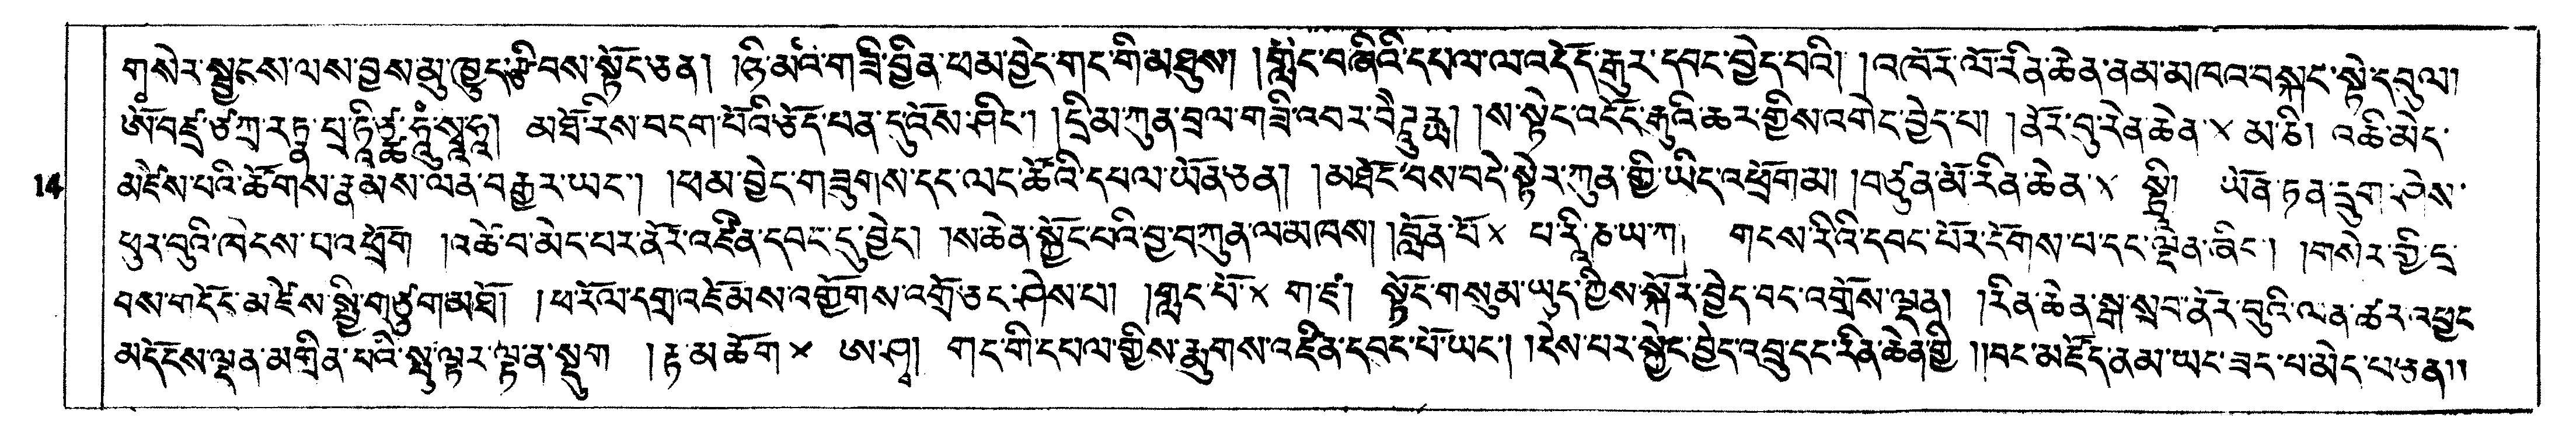གསེར་སྦྱངས་ལས་བྱས་མུ་ཁྱུད་རྩིབས་སྟོང་ཅན། །ཉི་མའི་གཟི་བྱིན་ཕམ་བྱེད་གང་གི་མཐུས། །གླིང་བཞིའི་དཔལ་ལ་འདོད་རྒུར་དབང་བྱེད་བའི། །འཁོར་ལོ་རིན་ཆེན་ནམ་མཁའ་བསྐང་སྟེ་དབུལ།
ཨོཾ་བཛྲ་ཙ་ཀྲ་རཏྣ་པྲ་ཏཱི་ཙྪ་ཧཱུཾ་སྭཱ་ཧཱ། མཐོ་རིས་བདག་པོའི་ཅོད་པན་དུ་འོས་ཤིང་། །དྲི་མ་ཀུན་བྲལ་གཞི་འབར་བཻཌཱུརྱ། །ས་སྟེང་འདོད་རྒུའི་ཆར་གྱིས་འགེང་བྱེད་པ། །ནོར་བུ་རེན་ཆེན་྾་མ་ཎི། འཆི་མེད་
མཛེས་པའི་ཚོགས་རྣམས་ལན་བརྒྱར་ཡང་། །ཕམ་བྱེད་གཟུགས་དང་ལང་ཚོའི་དཔལ་ཡོན་ཅན། །མཐོང་བས་བདེ་སྟེར་ཀུན་གྱི་ཡིད་འཕྲོག་མ། །བཙུན་མོ་རིན་ཆེན་྾་སྟྲཱི། ཡོན་ཏན་དྲུག་ཤེས་
ཕུར་བུའི་ཁེངས་པ་འཕྲོག །འཚེ་བ་མེད་པར་ནོར་འཛིན་དབང་དུ་བྱེད། །ས་ཆེན་སྐྱོང་པའི་བྱ་བ་ཀུན་ལ་མཁས། །བློན་པོ་྾་པ་རིའི་ཎ་ཡ་ཀ། གངས་རིའི་དབང་པོར་དོགས་པ་དང་ལྡན་ཞིང་། །གསེར་གྱི་དྲ་
བས་གདོང་མཛེས་སྤྱི་གཙུག་མཐོ། །ཕ་རོལ་དགྲ་འཇོམས་འགྱོགས་འགྲོ་ཅང་ཤེས་པ། །གླང་པོ་྾་ག་ཛ། སྟོང་གསུམ་ཡུད་ཀྱིས་སྐོར་བྱེད་བང་འགྲོས་ལྡན། །རིན་ཆེན་སྒ་སྲབ་ནོར་བུའི་ལན་ཚར་འཕྱང་
མདོངས་ལྡན་མགྲིན་པའི་སྤུ་ལྟར་ལྟ་ན་སྡུག །རྟ་མཆོག་྾་ཨ་ཤྭ། གང་གི་དཔལ་གྱིས་རྨུགས་འཛིན་དབང་པོ་ཡང་། །ངེས་པར་སྐྱེང་བྱེད་འབྲུ་དང་རིན་ཆེན་གྱི། །བང་མཛོད་ནམ་ཡང་ཟད་པ་མེད་པ་ཅན།།